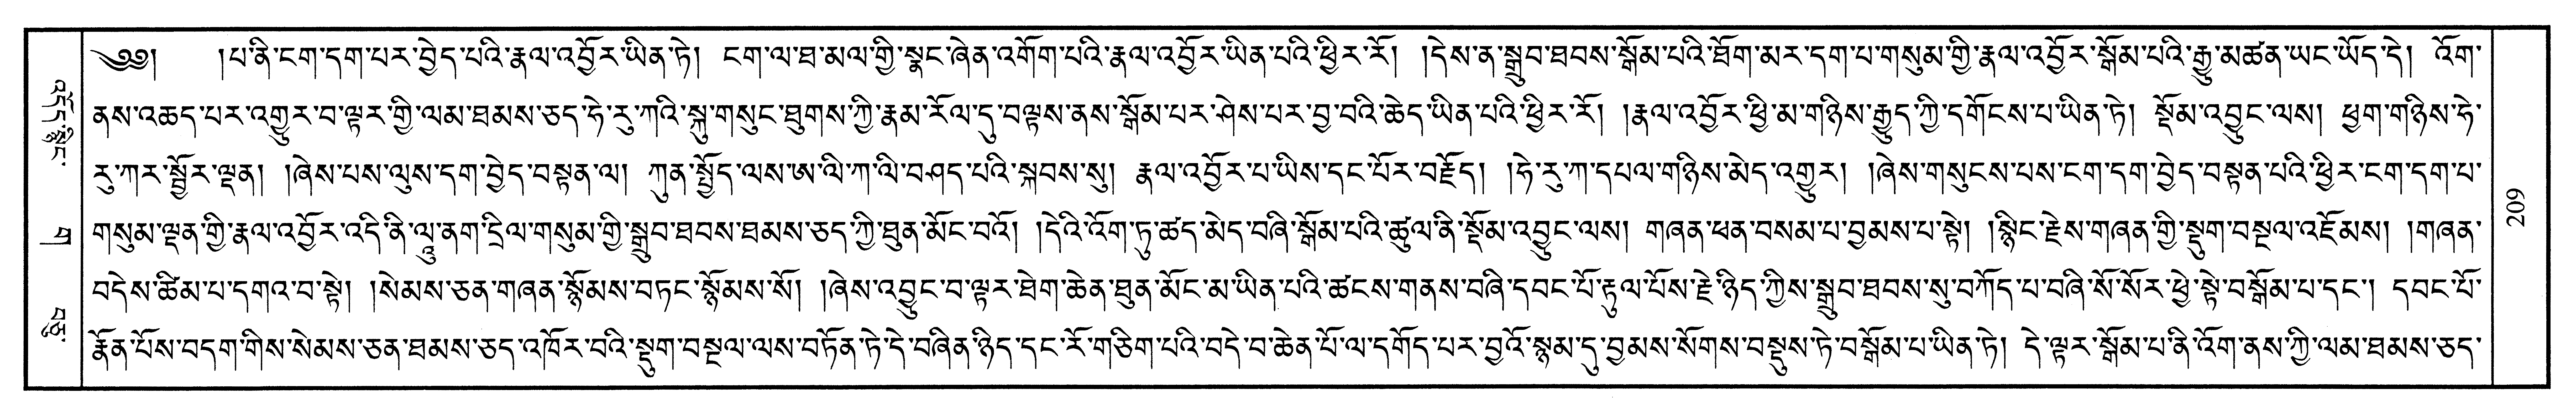༄༅། །པ་ནི་ངག་དག་པར་བྱེད་པའི་རྣལ་འབྱོར་ཡིན་ཏེ། ངག་ལ་ཐ་མལ་གྱི་སྣང་ཞེན་འགོག་པའི་རྣལ་འབྱོར་ཡིན་པའི་ཕྱིར་རོ། །དེས་ན་སྒྲུབ་ཐབས་སྒོམ་པའི་ཐོག་མར་དག་པ་གསུམ་གྱི་རྣལ་འབྱོར་སྒོམ་པའི་རྒྱུ་མཚན་ཡང་ཡོད་དེ། འོག་
ནས་འཆད་པར་འགྱུར་བ་ལྟར་གྱི་ལམ་ཐམས་ཅད་ཧེ་རུ་ཀའི་སྐུ་གསུང་ཐུགས་ཀྱི་རྣམ་རོལ་དུ་བལྟས་ནས་སྒོམ་པར་ཤེས་པར་བྱ་བའི་ཆེད་ཡིན་པའི་ཕྱིར་རོ། །རྣལ་འབྱོར་ཕྱི་མ་གཉིས་རྒྱུད་ཀྱི་དགོངས་པ་ཡིན་ཏེ། སྡོམ་འབྱུང་ལས། ཕྱག་གཉིས་ཧེ་
རུ་ཀར་སྦྱོར་ལྡན། །ཞེས་པས་ལུས་དག་བྱེད་བསྟན་ལ། ཀུན་སྤྱོད་ལས་ཨ་ལི་ཀ་ལི་བཤད་པའི་སྐབས་སུ། རྣལ་འབྱོར་པ་ཡིས་དང་པོར་བརྗོད། །ཧེ་རུ་ཀ་དཔལ་གཉིས་མེད་འགྱུར། །ཞེས་གསུངས་པས་ངག་དག་བྱེད་བསྟན་པའི་ཕྱིར་ངག་དག་པ་
གསུམ་ལྡན་གྱི་རྣལ་འབྱོར་འདི་ནི་ལཱུ་ནག་དྲིལ་གསུམ་གྱི་སྒྲུབ་ཐབས་ཐམས་ཅད་ཀྱི་ཐུན་མོང་བའོ། །དེའི་འོག་ཏུ་ཚད་མེད་བཞི་སྒོམ་པའི་ཚུལ་ནི་སྡོམ་འབྱུང་ལས། གཞན་ཕན་བསམ་པ་བྱམས་པ་སྟེ། །སྙིང་རྗེས་གཞན་གྱི་སྡུག་བསྔལ་འཇོམས། །གཞན་
བདེས་ཚིམ་པ་དགའ་བ་སྟེ། །སེམས་ཅན་གཞན་སྙོམས་བཏང་སྙོམས་སོ། །ཞེས་འབྱུང་བ་ལྟར་ཐེག་ཆེན་ཐུན་མོང་མ་ཡིན་པའི་ཚངས་གནས་བཞི་དབང་པོ་རྟུལ་པོས་རྗེ་ཉིད་ཀྱིས་སྒྲུབ་ཐབས་སུ་བཀོད་པ་བཞི་སོ་སོར་ཕྱེ་སྟེ་བསྒོམ་པ་དང་། དབང་པོ་
རྣོན་པོས་བདག་གིས་སེམས་ཅན་ཐམས་ཅད་འཁོར་བའི་སྡུག་བསྔལ་ལས་བཏོན་ཏེ་དེ་བཞིན་ཉིད་དང་རོ་གཅིག་པའི་བདེ་བ་ཆེན་པོ་ལ་དགོད་པར་བྱའོ་སྙམ་དུ་བྱམས་སོགས་བསྡུས་ཏེ་བསྒོམ་པ་ཡིན་ཏེ། དེ་ལྟར་སྒོམ་པ་ནི་འོག་ནས་ཀྱི་ལམ་ཐམས་ཅད་